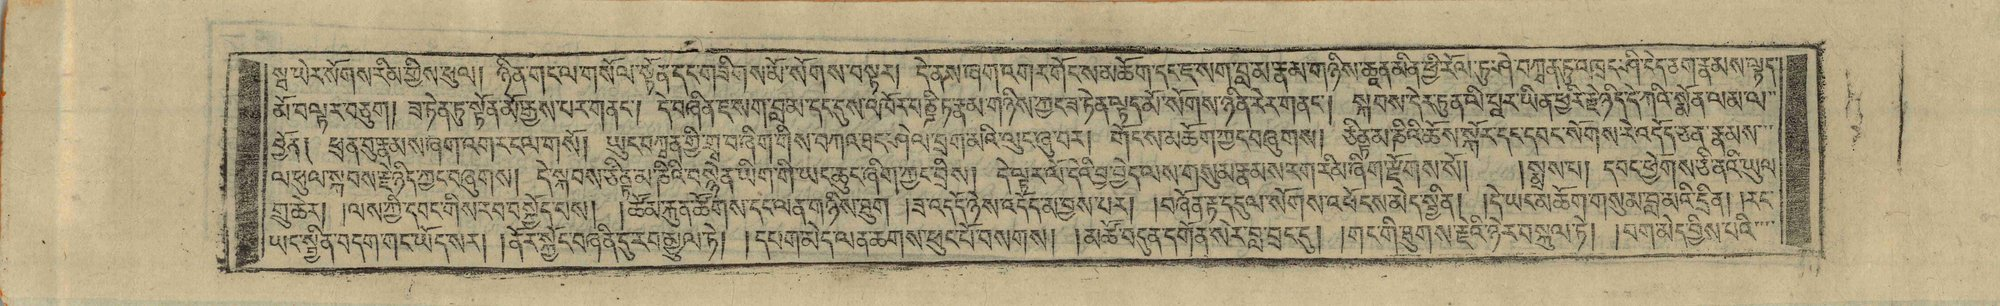སྦ་ཡེར་སོགས་རིམ་གྱིས་ཕུལ། ཉིན་གང་ལ་གསོལ་སྟོན་དང་གཟིགས་མོ་སོགས་བསྟར། དེ་ནས་ཞག་འགར་གོང་ས་མཆོག་དང་ཇ་སག་བླ་མ་རྣམ་གཉིས་ཆཱན་མིན་ཕྱི་རོལ་ཏུ་ཤེ་བཀྭན་ཏུ་འཁྲད་ཤ་ངེད་ཅག་རྣམས་ལྟད་
མོ་བལྟར་བཅུག །ཟ་ཏེན་ཏུ་སྟོན་མོ་རྒྱས་པར་གནང་། དེ་བཞིན་ཇ་སག་བླ་མ་དང་དུས་འཁོར་པཎྜི་ཏ་རྣམ་གཉིས་ཀྱང་ཟ་ཏེན་ལྟད་མོ་སོགས་ཉིན་རེར་གནང་། སྐབས་དེར་ཏུན་ལི་པཱར་ཡིན་ཕྱིར་རྗེ་ཉིད་དེ་ཀའི་སྨོན་ལམ་ལ་
བྱོན། ཕྲན་བུ་རྣམས་ཞག་འགར་ངལ་གསོ། ཡུང་བཀྭན་གྱི་གྲྭ་བ་ཞིག་གིས་བཀའ་ཐང་ཤེལ་བྲག་མའི་ལུང་ཞུ་བར། གོང་ས་མཆོག་ཀྱང་བཞུགས། ཙིནྟ་མ་ཎིའི་ཆོས་སྐོར་དང་དབང་སོགས་རེ་འདོད་ཅན་རྣམས་
ལ་ཕུལ་སྐབས་རྗེ་ཉིད་ཀྱང་བཞུགས། དེ་སྐབས་ཙིནྟ་མ་ཎིའི་བསྙེན་ཡིག་གི་ཡང་ཆུང་ཞིག་ཀྱང་བྲིས། དེ་ལྟར་ལོ་དེའི་བྱ་བྱེད་ལས་གསུམ་རྣམས་རག་རིམ་ཞིག་རྫོགས་སོ། །སྨྲས་པ། དབང་ཕྱོགས་ཅི་ནའི་ཡུལ་
གྲུ་ཆེར། །ལས་ཀྱི་དབང་གིས་རབ་བསྐྱོད་པས། །ཚོམ་རྐུན་ཚོགས་དང་ལན་གཉིས་ཐུག །ཟ་འདོད་ཉེས་འདོད་མ་བྱས་པར། །བཞོན་རྟ་དངུལ་སོགས་འཕོངས་མེད་སྦྱིན། །དེ་ཡང་མཆོག་གསུམ་བླ་མའི་དྲིན། །རང་
ཡང་སྦྱིན་བདག་གང་ཡོད་སར། །ནོར་སྐྱོང་བཞིན་དུ་རབ་མྱུལ་ཏེ། །དཔག་མེད་ལན་ཆགས་ཕུང་པོ་བསགས། །མཚོ་བདུན་དགོན་སེར་བླ་བྲང་དུ། །གང་གི་ཐུགས་རྗེའི་ཉེར་བསྐུལ་ཏེ། །བག་མེད་བྱིས་པའི་